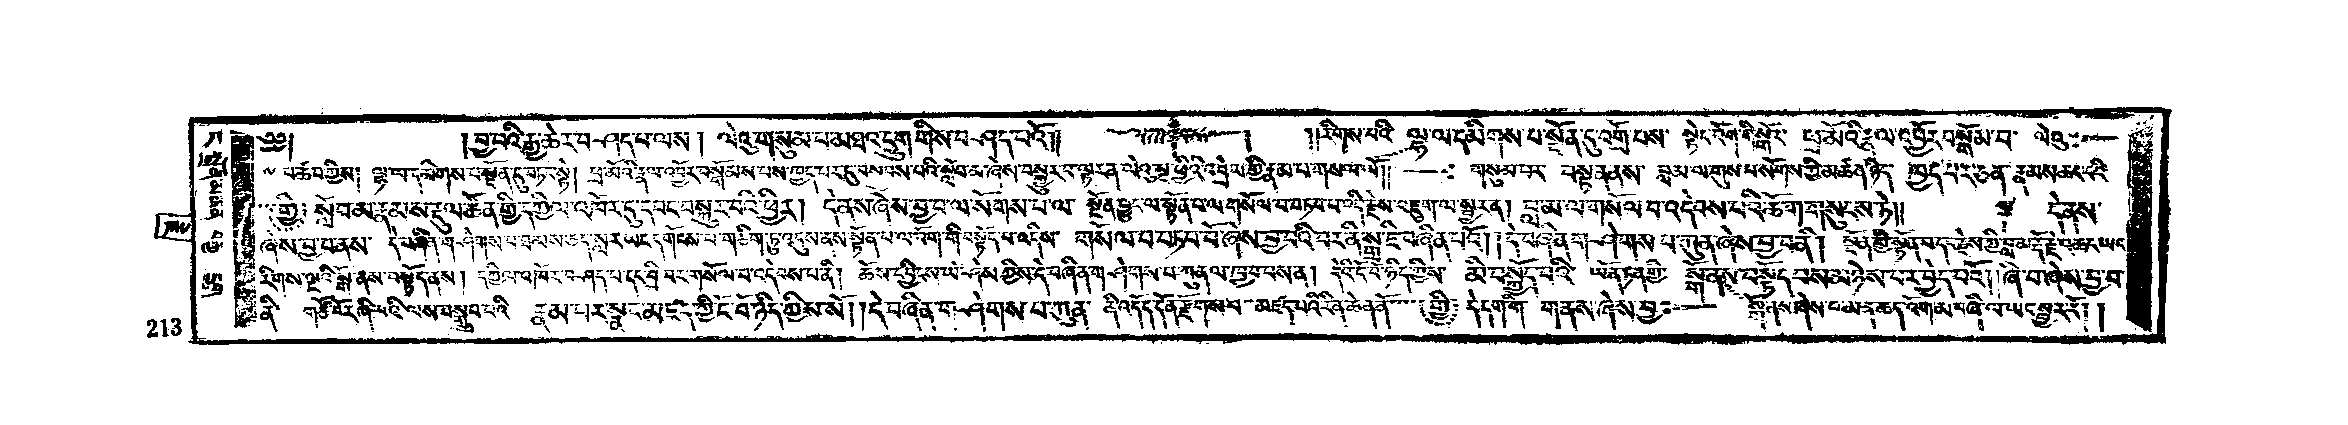༄༅། །བྱ་བའི་རྒྱ་ཆེར་བཤད་པ་ལས། ལེའུ་གསུམ་པ་མཐའ་དྲུག་གིས་བཤད་པའོ།། ༈ །། རིགས་པའི་ལྷ་ལ་དམིགས་པ་སྔོན་དུ་འགྲོ་བས་སྟེང་འོག་གི་སྒོར་ཕྲ་མོའི་རྣལ་འབྱོར་བསྒོམ་པ་ལེའུ་H.
༧པ་ཚབ་ཀྱིས། ལྷ་ལ་དམིགས་པ་སྔོན་དུ་བཏང་སྟེ། ཕྲ་མོའི་རྣལ་འབྱོར་བསྒོམས་པས་ཁྱད་པར་དུ་བསྒྲུབས་པའི་སློབ་མ་ཞེས་བསྒྱུར་བ་ལྟར་ན་ལེའུ་སྔ་ཕྱིའི་འབྲེལ་གྱི་རྣམ་པ་གསལ་ལོ།། .H གསུམ་པར་བསྟན་ནས་བླ་མ་ལ་གུས་པ་སོགས་ཀྱི་མཚན་ཉིད་ཁྱད་པར་ཅན་རྣམས་ཚང་བའི
གྱི་སློབ་མ་རྣམས་རྡུལ་ཚོན་གྱི་དཀྱིལ་འཁོར་དུ་དབང་བསྐུར་བའི་ཕྱིར། དེ་ནས་ཞེས་བྱ་བ་ལ་སོགས་པ་ལ་སྔོན་བྱུང་ལ་སྟོན་པ་ལ་གསོལ་བ་བཏབ་པ་འདི་རྗེས་འཇུག་ལ་སྦྱར་ན།  བླ་མ་ལ་གསོལ་བ་འདེབས་པའི་ཆོ་ག་གསུངས་ཏེ།། ༈ དེ་ནས་
ཞེས་བྱ་བ་ནས་དེ་བཞིན་གཤེགས་པ་ཐམས་ཅད་སླར་ཡང་དགོངས་པ་གཅིག་ཏུ་འདུས་ནས་སྟོན་པ་ལ་འོག་གི་བསྟོད་པ་འདིས་གསོལ་བ་བཏབ་བོ་ཞེས་བྱ་བའི་བར་ནི་སྒྲ་ཇི་བཞིན་པའོ། །དེ་བཞིན་གཤེགས་པ་ཀུན་ཞེས་བྱ་བ་ནི། སྔོན་གྱི་སྟོན་པ་དང་རྗེས་ཀྱི་བླ་མ་རྡོ་རྗེ་འཆང་ཡང་
རིགས་ལྔའི་སྒོ་ནས་བསྟོད་ནས། དཀྱིལ་འཁོར་བཤད་པ་དང་བྲི་བར་གསོལ་བ་འདེབས་པ་ནི། ཆོས་དབྱིངས་ཡེ་ཤེས་ཀྱིས་དེ་བཞིན་གཤེགས་པ་ཀུན་ལ་ཁྱབ་པས་ན། དེའི་ངོ་བོ་ཉིད་ཀྱིས་མི་བསྐྱོད་པའི་ཡོན་ཏན་གྱི་སྒོ་ནས་བསྟོད་པས་མཉེས་པར་བྱེད་པའོ། །ཞི་བ་ཞེས་བྱ་བ་
ནི་གཙོ་བོར་ཞི་བའི་ལས་བསྒྲུབ་པའི་རྣམ་པར་སྣང་མཛད་ཀྱི་ངོ་བོ་ཉིད་ཀྱིས་སོ། །དེ་བཞིན་གཤེགས་པ་ཀུན་ནི་འདོད་དོན་རྫོགས་པར་མཛད་པའི་རིན་ཆེན་ནོ་གྱི་དེ་དག་གི་གནས་ཞེས་བྱ་H.་༧སྒོ་ནས་ཞེས་པ་མན་ཆད་འོག་མ་བཞི་ལ་ཡང་སྦྱར་རོ། །